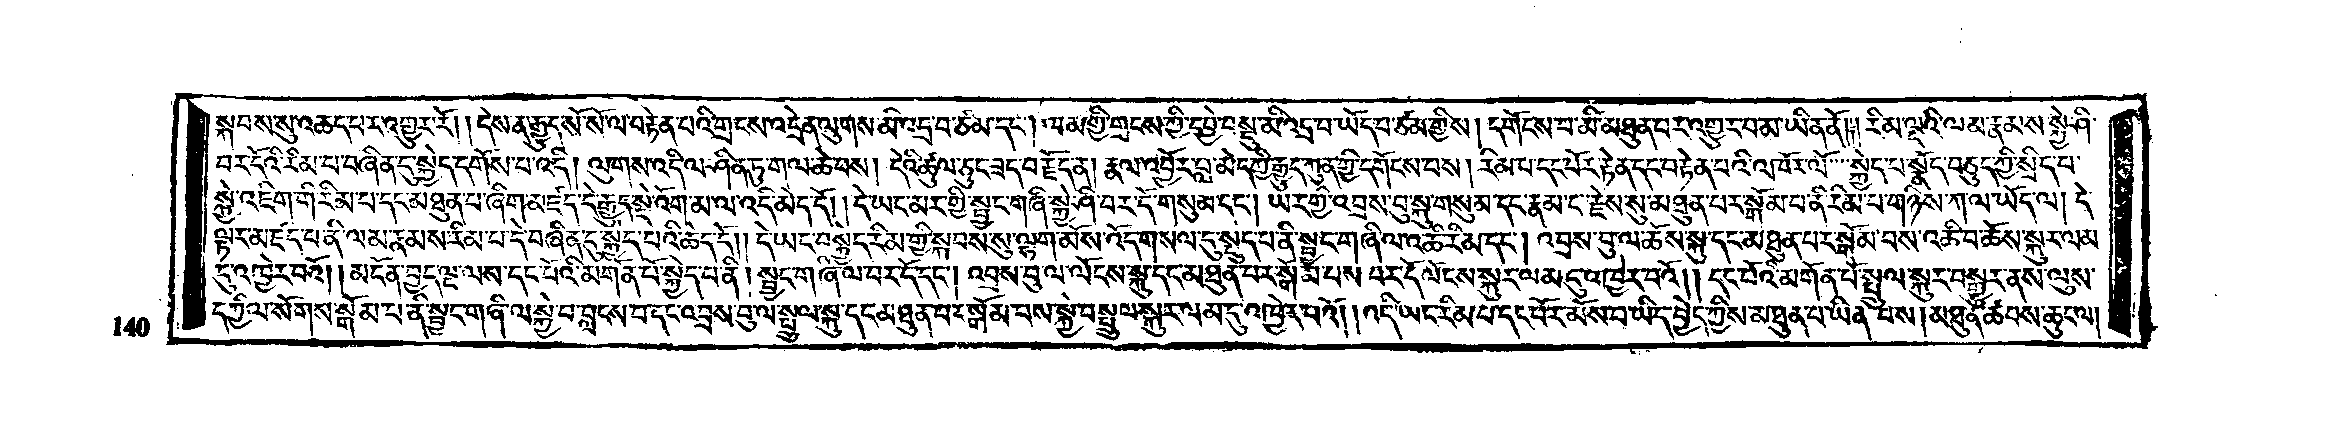སྐབས་སུ་འཆད་པར་འགྱུར་རོ། །དེས་ན་རྒྱུད་སོ་སོ་ལ་བརྟེན་པའི་གྲངས་འདྲེན་ལུགས་མི་འདྲ་བ་ཙམ་དང་། ལམ་གྱི་གྲངས་ཀྱི་དབྱེ་བསྡུ་མི་འདྲ་བ་ཡོད་པ་ཙམ་གྱིས། དགོངས་པ་མི་མཐུན་པར་འགྱུར་བ་མ་ཡིན་ནོ། །རིམ་ལྔའི་ལམ་རྣམས་སྐྱེ་ཤི་
བར་དོའི་རིམ་པ་བཞིན་དུ་སྐྱེད་དགོས་པ་འདི། ལུགས་འདི་ལ་ཤིན་ཏུ་གལ་ཆེ་བས། དེའི་ཚུལ་ཅུང་ཟད་བརྗོད་ན། རྣལ་འབྱོར་བླ་མེད་ཀྱི་རྒྱུད་ཀུན་གྱི་དགོངས་པས། རིམ་པ་དང་པོར་རྟེན་དང་བརྟེན་པའི་འཁོར་ལོ་སྐྱེད་པ་སྣོད་བཅུད་ཀྱི་སྲིད་པ་
སྐྱེ་འཇིག་གི་རིམ་པ་དང་མཐུན་པ་ཞིག་མཛད་དེ་རྒྱུད་སྡེ་འོག་མ་ལ་འདི་མེད་དོ། །དེ་ཡང་མར་གྱི་སྦྱང་གཞི་སྐྱེ་ཤི་བར་དོ་གསུམ་དང་། ཡར་གྱི་འབྲས་བུ་སྐུ་གསུམ་དང་རྣམ་པ་རྗེས་སུ་མཐུན་པར་སྒོམ་པ་ནི་རིམ་པ་གཉིས་ཀ་ལ་ཡོད་ལ། དེ་
ལྟར་མཛད་པ་ནི་ལམ་རྣམས་རིམ་པ་དེ་བཞིན་དུ་སྐྱེད་པའི་ཆེད་དོ། །དེ་ཡང་བསྐྱེད་རིམ་གྱི་སྐབས་སུ་ལྷག་མོས་འོད་གསལ་དུ་སྡུད་པ་ནི་སྦྱང་གཞི་ལ་འཆི་རིམ་དང་། འབྲས་བུ་ལ་ཆོས་སྐུ་དང་མཐུན་པར་སྒོམ་པས་འཆི་བ་ཆོས་སྐུར་ལམ་
དུ་འཁྱེར་བའོ། །མངོན་བྱད་ལྔ་ལས་དང་པོའི་མགོན་པོ་སྐྱེད་པ་ནི། སྦྱང་གཞི་ལ་བར་དོ་དང་། འབྲས་བུ་ལ་ལོངས་སྐུ་དང་མཐུན་པར་སྒོམ་པས་བར་དོ་ལོངས་སྐུར་ལམ་དུ་འཁྱེར་བའོ། །དང་པོའི་མགོན་པོ་སྤྲུལ་སྐུར་བསྒྱུར་ནས་ལུས་
དཀྱིལ་སོགས་སྒོམ་པ་ནི་སྦྱང་གཞི་ལ་སྐྱེ་བ་བླངས་པ་དང་འབྲས་བུ་ལ་སྤྲུལ་སྐུ་དང་མཐུན་པར་སྒོམ་པས་སྐྱེ་བ་སྤྲུལ་སྐུར་ལམ་དུ་འཁྱེར་བའོ། །འདི་ཡང་རིམ་པ་དང་པོར་མོས་པ་ཡིད་བྱེད་ཀྱིས་མཐུན་པ་ཡིན་པས། མཐུན་ཚབས་ཆུང་ལ།